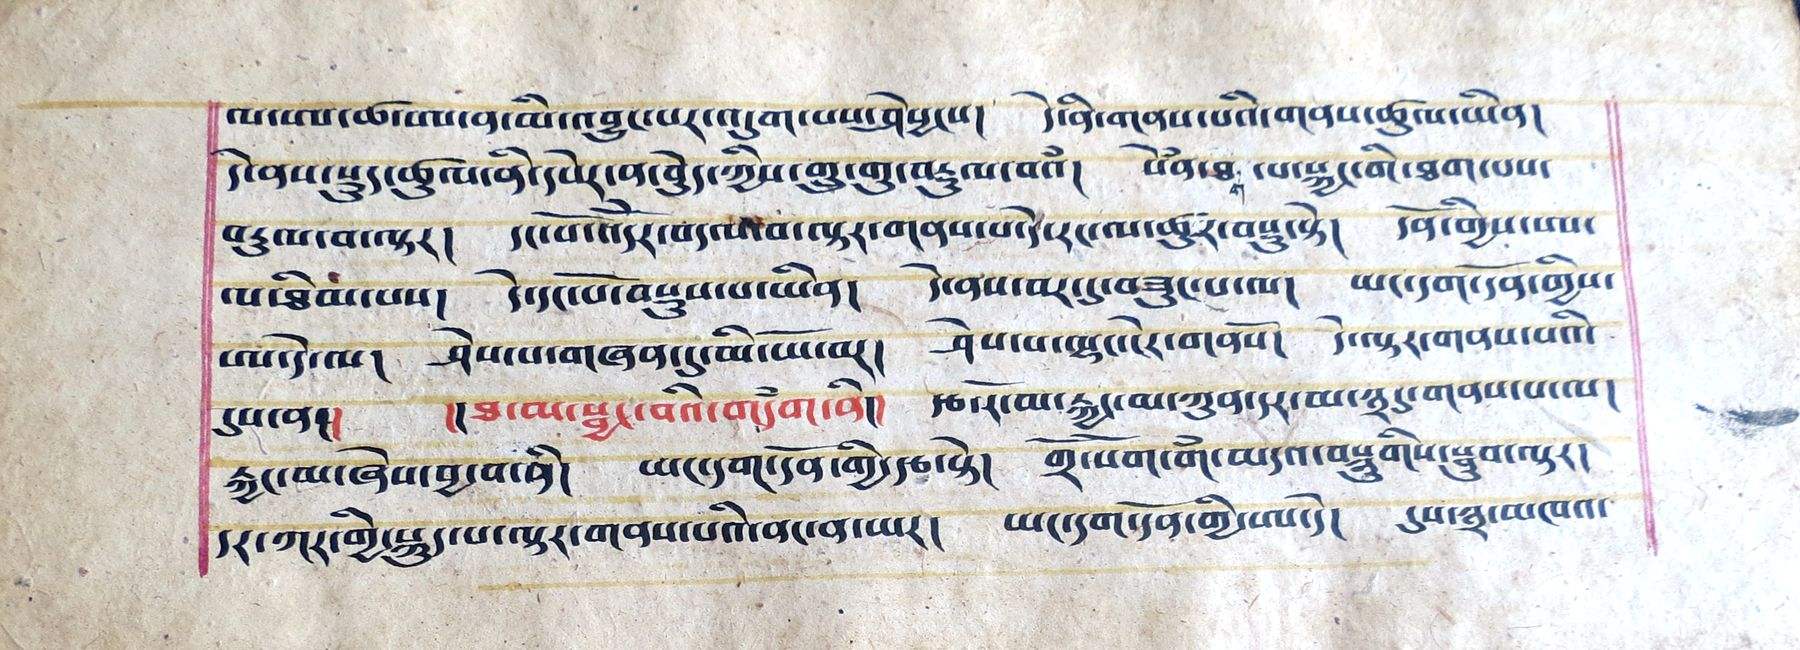ལ་ཨ་ཚ་ཨ་ན་མི་འབྱུང་བར་འདུག་པས་ཤེས་གསུངས། དེ་ནི་གནས་པའི་གནས་ཚུལ་ཡིན།
 དེ་ནས་སྡུད་ཚུལ་ནི། དཔེར་ན་བུད་མེད་ཀྱིས་གྲུ་གུ་བརྡུལ་བའམ། སེམས་ཅན་ཐག་པ་རྐྱང་གི་ཐག་པས་
བརྡུལ་བ་ལྟར། དང་པོ་འོད་ཟེར་བརྡལ་བ་ལྟར་གནས་པ་དེ་རང་ལ་ཚུར་བསྡུ་སྟེ་དོན་གྱིས་ཨ་
ལ་ཐིམ་པས། དེ་དང་པོ་བསྡུས་པ་ཡིན། དེ་ནས་བར་དུ་བཟུང་བ་ལ། ཡང་དག་དོན་གྱིས་
ཨ་དེ་ལ། ཤེས་པ་གཞན་དུ་མི་ཡོ་བར། ཤེས་པ་ལྷང་ངེར་གནས་སོ། །དེ་ལྟར་གནས་པའི་
དུས་ན། ཐ་མ་སྦྱངས་པའི་གདམ་ངག་ནི། རྩ་རོ་མ་རྐྱང་མ་ཀུན་འདར་མ་གསུམ་དུ་གནས་པ་ལ། 
རྐྱང་མ་ཞེས་བྱ་བ་ནི། ཡང་དག་དོན་གྱི་རྩ་སྟེ། གྲོ་སོག་གམ་མདའ་སྙུག་གི་སྦུབས་ལྟར། 
དར་དཀར་གྱི་སྐུད་པ་ལྟར་གནས་པའི་ནང་ན་ཡར། ཡང་དག་དོན་གྱི་ཨ་དེ། དུས་གསུམ་མཁའ་